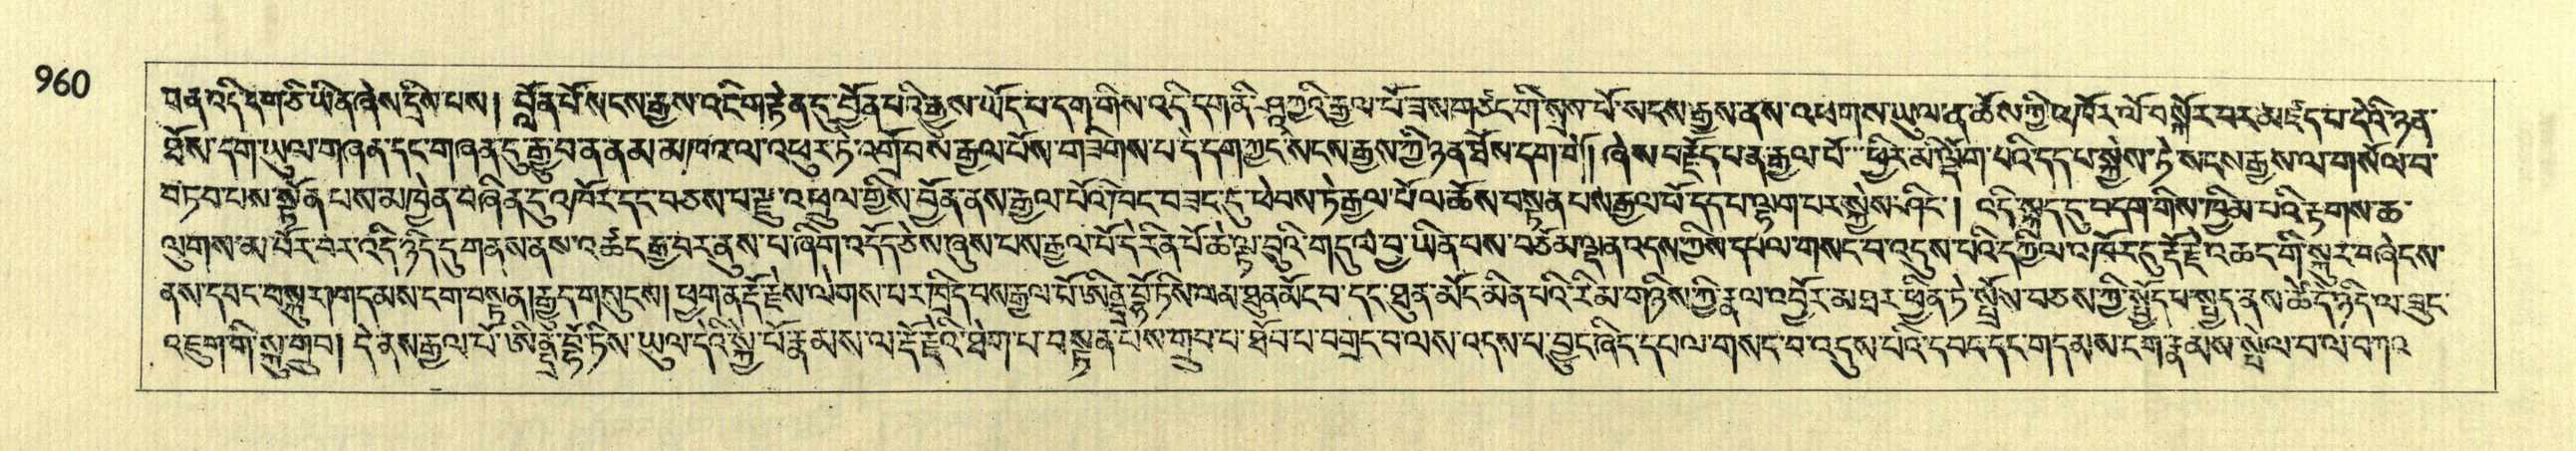བན་འདི་དག་ཅི་ཡིན་ཞེས་དྲིས་པས། བློན་པོ་སངས་རྒྱས་འཇིག་རྟེན་དུ་བྱོན་པའི་རྒྱུས་ཡོད་པ་དག་གིས་འདི་དག་ནི་ཤཱཀྱའི་རྒྱལ་པོ་ཟས་གཙང་གི་སྲས་པོ་སངས་རྒྱས་ནས་འཕགས་ཡུལ་ན་ཆོས་ཀྱི་འཁོར་ལོ་བསྐོར་བར་མཛད་པ་དེའི་ཉན་
ཐོས་དག་ཡུལ་གཞན་དང་གཞན་དུ་རྒྱུ་བ་ན་ནམ་མཁའ་ལ་འཕུར་ཏེ་འགྲོ་བས་རྒྱལ་པོས་གཟིགས་པ་དེ་དག་ཀྱང་སངས་རྒྱས་ཀྱི་ཉན་ཐོས་དག་གོ། ཞེས་བརྗོད་པ་ན་རྒྱལ་པོ་ཕྱིར་མི་ལྡོག་པའི་དད་པ་སྐྱེས་ཏེ་སངས་རྒྱ་ལ་གསོལ་བ་
བཏབ་པས་སྟོན་པས་མཁྱེན་བཞིན་དུ་འཁོར་དང་བཅས་པ་རྫུ་འཕྲུལ་གྱིས་བྱོན་ནས་རྒྱལ་པོའི་ཁང་བཟང་དུ་ཕེབས་ཏེ་རྒྱལ་པོ་ལ་ཆོས་བསྟན་པས་རྒྱལ་པོ་དད་པ་ལྷག་པར་སྐྱེས་ཤིང་། འདི་སྐྲད་དུ་བདག་གིས་ཁྱིམ་པའི་རྟགས་ཆ་
ལུགས་མ་བོར་བར་འདི་ཉིད་དུ་གནས་ནས་འཚང་རྒྱ་བར་ནུས་པ་ཞིག་འདོད་ཅེས་ཞུས་པས་རྒྱལ་པོ་དེ་རིན་པོ་ཆེ་ལྟ་བུའི་གདུལ་བྱ་ཡིན་པས་བཅོམ་ལྡན་འདས་ཀྱིས་དཔལ་གསང་བ་འདུས་པའི་དཀྱིལ་འཁོར་དུ་རྡོ་རྗེ་འཆང་གི་སྐུར་བཞེངས་
ནས་དབང་བསྐུར། གདམས་ངག་བསྟན། རྒྱུད་གསུངས། ཕྱག་ན་རྡོ་རྗེས་ལེགས་པར་ཁྲིད་བས་རྒྱལ་པོ་ཨིནྡྲ་བྷོ་ཏིས་ལམ་ཐུན་མོང་བ་དང་ཐུན་མོང་མིན་པའི་རིམ་གཉིས་ཀྱི་རྣལ་འབྱོར་མཐར་ཕྱིན་ཏེ་སྤྲོས་བཅས་ཀྱི་སྤྱོད་པ་སྤྱད་ནས་ཚེ་དེ་ཉིད་ལ་ཟུང་
འཇུག་གི་སྐུ་གྲུབ། དེ་ནས་རྒྱལ་པོ་ཨིནྡྲ་བྷོ་ཏིས་ཡུལ་དེའི་སྐྱེ་པོ་རྣམས་ལ་རྡོ་རྗེའི་ཐེག་པ་བསྟན་པས་གྲུབ་པ་ཐོབ་པ་བགྲང་བ་ལས་འདས་པ་བྱུང་ཞིང་དཔལ་གསང་བ་འདུས་པའི་དབང་དང་གདམས་ངག་རྣམས་སྤེལ་བ་ལ་བཀའ་